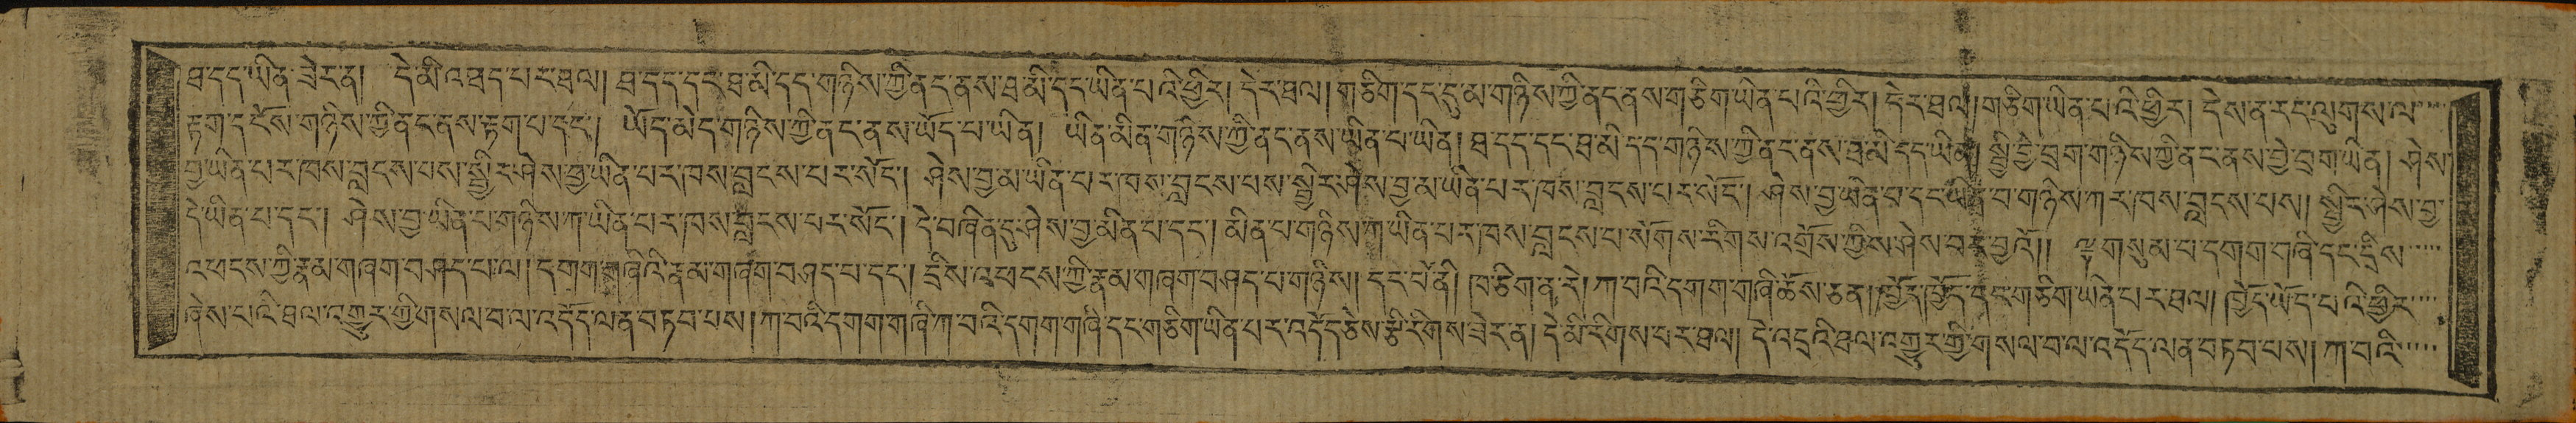ཐ་དད་ཡིན་ཟེར་ན། དེ་མི་འཐད་པར་ཐལ། ཐ་དད་དང་ཐ་མི་དད་གཉིས་ཀྱི་ནད་ནས་ཐ་མི་དང་ཡིན་པའི་ཕྱིར། དེར་ཐལ། གཅིག་དང་དུ་མ་གཉིས་ཀྱི་ནང་ནས་གཅིག་ཡིན་པའི་ཕྱིར། དེར་ཐལ། གཅིག་ཡིན་པའི་ཕྱིར། དེས་ན་རང་ལུགས་ལ་
རྟག་དངོས་གཉིས་ཀྱི་ནང་ནས་རྟག་པ་དང་། ཡོད་མེད་གཉིས་ཀྱི་ནང་ནས་ཡོད་པ་ཡིན། ཡིན་མིན་གཉིས་ཀྱི་ནང་ནས་ཡིན་པ་ཡིན། ཐ་དད་དང་ཐ་མི་དད་གཉིས་ཀྱི་ནང་ནས་ཐ་མི་དད་ཡིན། སྤྱི་བྱེ་བྲག་གཉིས་ཀྱི་ནང་ནས་བྱེ་བྲག་ཡིན། ཤེས་
བྱ་ཡིན་པར་ཁས་བླངས་པས་སྤྱིར་ཤེས་བྱ་ཡིན་པར་ཁས་བླངས་པར་སོང་། ཤེས་བྱ་མ་ཡིན་པར་ཁས་བླངས་པས་སྤྱིར་ཤེས་བྱ་མ་ཡིན་པར་ཁས་བླངས་པར་སོང་། ཤེས་བྱ་ཡིན་པ་དང་ཡིན་པ་གཉིས་ཀར་ཁས་བླངས་པས། སྤྱིར་ཤེས་བྱ་
དེ་ཡིན་པ་དང་། ཤེས་བྱ་ཡིན་པ་གཉིས་ཀ་ཡིན་པར་ཁས་བླངས་པར་སོང་། དེ་བཞིན་དུ་ཤེས་བྱ་མིན་པ་དང་། མིན་པ་གཉིས་ཀ་ཡིན་པར་ཁས་བླངས་པ་སོགས་རིགས་འགྲོས་ཀྱིས་ཤེས་བར་བྱའོ།། ༈ གསུམ་པ་དགག་གཞི་དང་དྲིས་
འཕངས་ཀྱི་རྣམ་གཞག་བཤད་པ་ལ། དགག་གཞིའི་རྣམ་གཞག་བཤད་པ་དང་། དྲིས་འཕངས་ཀྱི་རྣམ་གཞག་བཤད་པ་གཉིས། དང་པོ་ནི། ཁ་ཅིག་ན་རེ། ཀ་བའི་དགག་གཞི་ཆོས་ཅན། ཁྱོད་ཁྱོད་དང་གཅིག་ཡིན་པར་ཐལ། ཁྱོད་ཡོད་པའི་ཕྱིར་
ཞེས་པའི་ཐལ་འགྱུར་གྱི་གསལ་བ་ལ་འདོད་ལན་བཏབ་པས། ཀ་བའི་དགག་གཞི་ཀ་བའི་དགག་གཞི་དང་གཅིག་ཡིན་པར་འདོད་ཅེས་རྩི་རིགས་ཟེར་ན། དེ་མི་རིགས་པར་ཐལ། དེ་འདྲའི་ཐལ་འགྱུར་གྱི་གསལ་བ་ལ་འདོད་ལན་བཏབ་པས། ཀ་བའི་